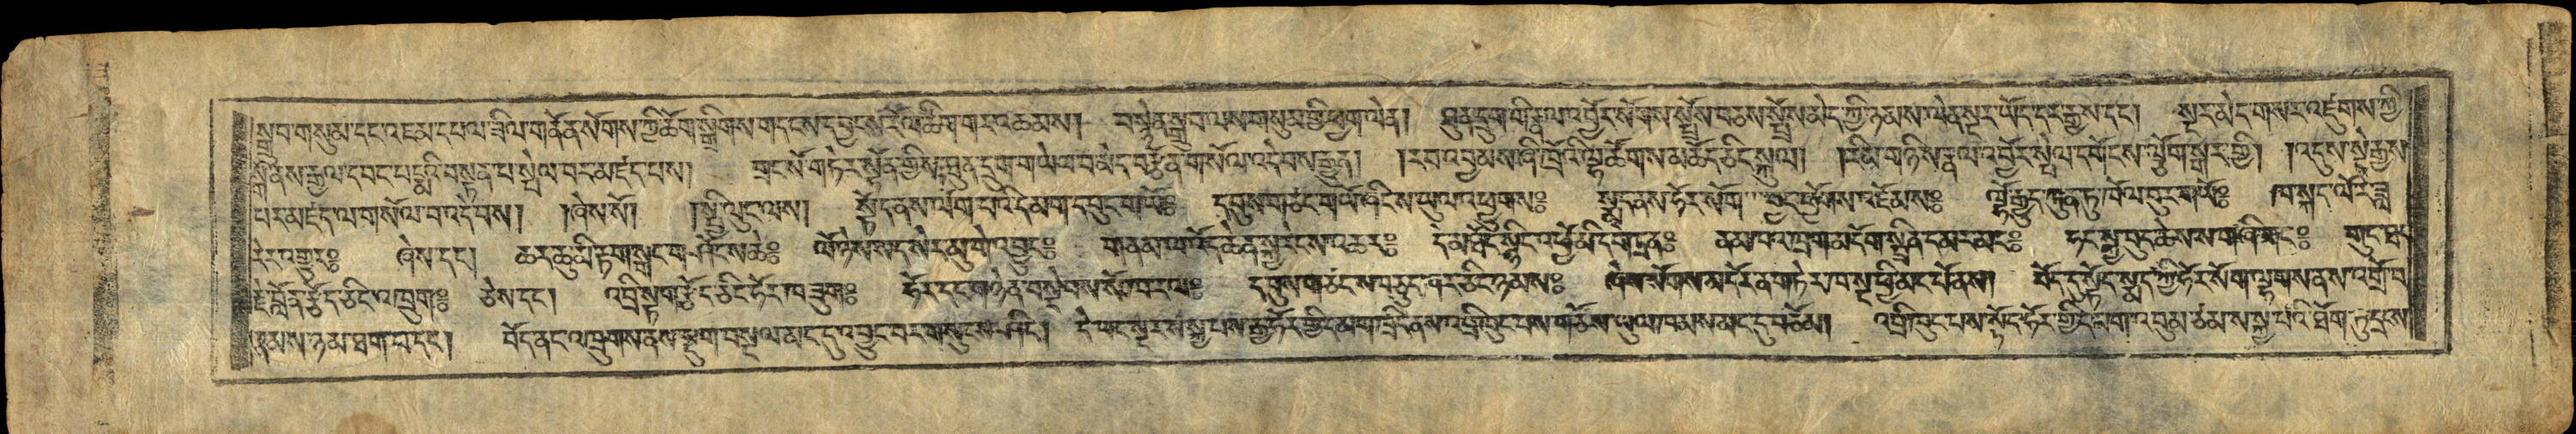སྒྲུབ་གསུམ་དང་འཇམ་དཔལ་ཟིལ་གནོན་སོགས་ཀྱི་ཆོག་སྒྲིགས་གདངས་དབྱངས་རོལ་ཚིག་གར་འཆམས། བསྙེན་སྒྲུབ་ལས་གསུམ་གྱི་ཕྱག་ལེན། ཐུན་དྲུག་གི་རྣལ་འབྱོར་སོགས་སྤྲོས་བཅས་སྤྲོས་མེད་ཀྱི་ཉམས་?་སྔར་ཡོད་དར་རྒྱས་དང་། སྔར་མེད་གསར་འཛུགས་ཀྱི་
སྒོ་ནས་རྒྱལ་དབང་པདམའི་བསྟན་པ་སྤེལ་བར་མཛད་པས། གྲང་སོ་གཏེར་སྟོན་གྱིས་ཐུན་དྲུག་གཡེལ་བ་མེད་བརྩོན་གསོལ་འདེབས་རྒྱུན། །རབ་འབྱམས་ཞི་ཁྲོའི་ལྷ་ཚོགས་མཆོད་ཅིང་སྐུལ། །རིམ་གཉིས་རྣལ་འབྱོར་སྤེལ་དགོངས་ལྕོག་སྒར་གྱི། །འདུས་སྡེ་རྒྱས་
བར་མཛད་ལ་གསོལ་བ་འདེབས། །ཞེས་སོ། །སྦྱི་ལུང་ལས། སྟོད་ནས་ལོག་པའི་དམག་དཔུང་གཡོཿ་དབུས་གཙང་གཡོ་ཞིངས་ཡུལ་འཕྱུགསཿ་སྨད་ནས་ཧོར་སོག་བྱང་ཕྱོགས་འཇོམསཿ་ལྟོ་རྒྱུད་ཀུན་ཏུ་ཁོལ་བུར་གཡོཿ་ཁ་སྐང་ལོ་རེ་ཟླ་
རེར་འགྱུརཿ་ཞེས་དང་། ཆར་ཆུ་མི་རྟག་སྒྲང་གཤོངས་ཆེཿ་ལོ་ཉེས་སད་སེར་མུ་གེ་འབྱུངཿ་གནམ་ལ་འོད་ཆེན་སྐྱ་རེངས་འཆརཿ་དེ་མཐོང་སྙིང་འཕྱོ་མི་དགེ་དྲནཿ་ནམ་མཁའ་ཁྲག་མདོག་སྤྲིན་དམར་མངཿ་ཧང་སྐྱ་བུང་ཆེས་ས་གཞི་གངཿ་གུང་ཐང་
རྗེ་བློན་རྩོད་ཅིང་འཁྲུགཿ་ཅེས་དང་། འབྲི་སྟག་རྩོད་ཅིང་ཧོར་ཁ་ཟུགཿ་ཧོར་དང་གཉེན་བསྡེབས་སོ་ཁ་རལཿ་དབུས་གཙང་ས་བཅུད་ཞར་ཅིང་ཉམསཿ་ཞེས་སོགས་མདོར་ན་གཏེར་ཁ་སྔ་ཕྱི་མང་པོ་ནས། བོད་དུ་སྟོད་སྨད་ཀྱི་ཧོར་སོག་ལྷགས་ནས་འགྲོ་བ་
རྣམས་ཉམ་ཐག་པ་དང་། བོད་ནང་འཁྲུགས་ནས་སྡུག་བསྔལ་མང་དུ་འབྱུང་བར་གསུངས་ཤིང་། དེ་ཡང་སྔར་ས་སྐྱ་པས་རྒྱ་ཧོར་གྱི་དམག་ཁྲིད་ནས་འབྲི་ཁུང་བས་གཙོས་ཡུལ་ཁམས་མང་དུ་བཅོམ། འབྲི་ཁུང་པས་སྟོང་ཧོར་གྱི་དམག་འབུམ་ཙམ་ས་སྐྱ་པའི་ཐོག་ཏུ་དྲངས་